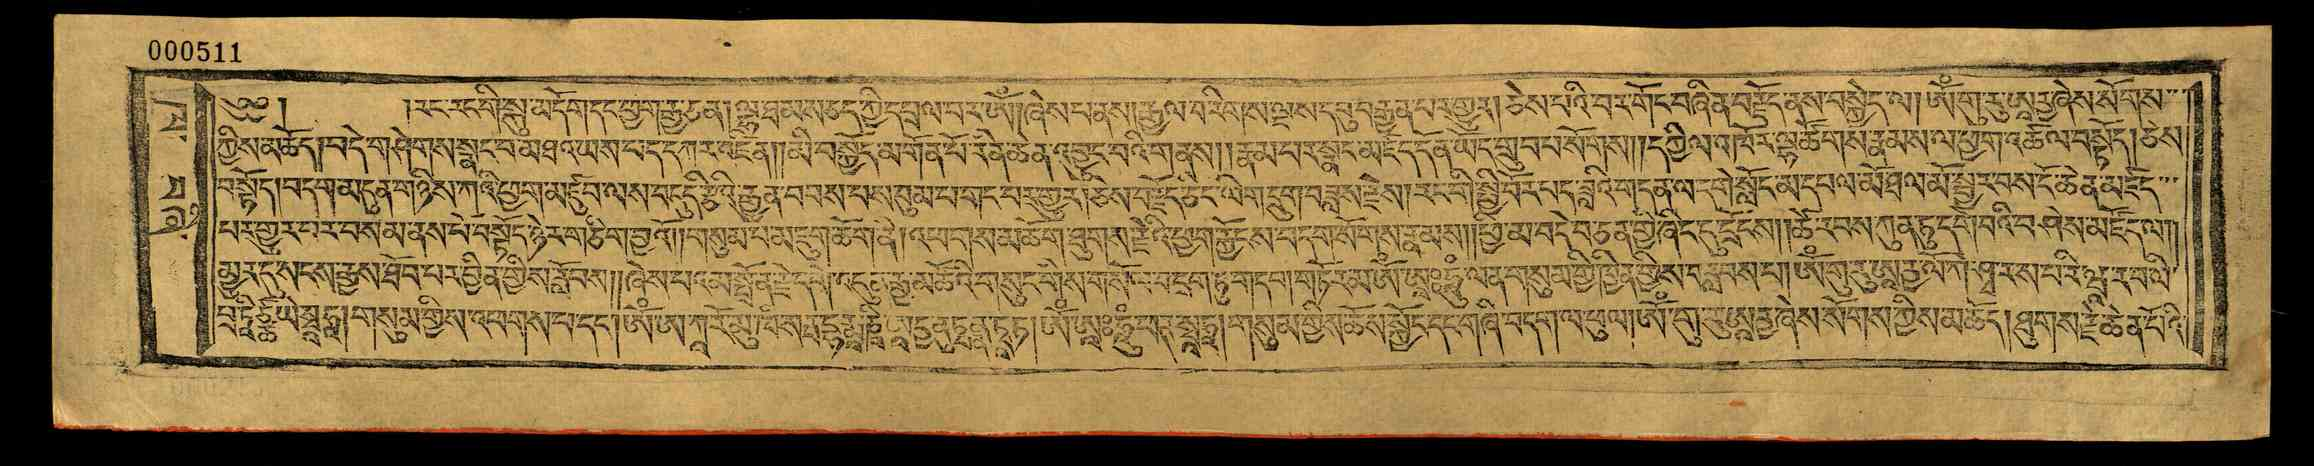༄༅། །རང་རང་གི་སྐུ་མདོག་དང་ཕྱག་རྒྱ་ཅན། ལྷ་ཐམས་ཅད་ཀྱི་དཔྲལ་བར་ཨོཾ། ཞེས་པ་ནས། རྒྱལ་བ་རིགས་ལྔས་དབུ་བརྒྱན་པར་གྱུར། ཅེས་པའི་བར་གོང་བཞིན་བརྗོད་ནས་བསྐྱེད་ལ། ཨོཾ་གུ་རུ་ཨཱརྱ་ཞེས་སོགས།
ས་མཆོད། བདེ་གཤེགས་སྣང་བ་མཐའ་ཡས་པད་དཀར་འཛིན། །མི་བསྐྱོད་མགོན་པོ་རིན་ཆེན་འབྱུང་བའི་གནས། །རྣམ་པར་སྣང་མཛད་དོན་ཡོད་གྲུབ་པ་སོགས། །དཀྱིལ་འཁོར་ལྷ་ཚོགས་རྣམས་ལ་ཕྱག་འཚལ་བསྟོད། ཅེས་
སྟོད། བདག་མདུན་གཉིས་ཀའི་ཕྱག་མཛུབ་ལས་བདུད་རྩིའི་རྒྱུན་བབས་པས་བུམ་པ་གང་བར་གྱུར། ཅེས་བརྗོད་ཅིང་ཡིག་དྲུག་བཟླས་རྗེས། རང་གི་སྤྱི་བོར་པད་ཟླའི་གདན་ལ་དགེ་སློང་མ་དཔལ་མོ་ཐལ་མོ་སྦྱར་བས་ངོ་ཆེན་མཛད་
པར་གྱུར་པར་བསམ་ནས་པོ་བསྟོད་ཉེར་གཅིག་བྱའོ། །གསུམ་པ་མཇུག་ཆོག་ནི། འཕགས་མཆོག་ཐུགས་རྗེའི་ཕྱག་རྐྱོངས་བདག་སོགས་རྣམས། །ཕྱི་མ་བདེ་བ་ཅན་གྱི་ཞིང་དུ་དྲོངས། །ཚེ་རབས་ཀུན་ཏུ་དགེ་བའི་བཤེས་མཛོད་ལ།།
མྱུར་དུ་སངས་རྒྱས་ཐོབ་པར་བྱིན་གྱིས་རློབས། །ཞེས་པའམ་སྤྲོ་ན་རྗེ་དགེ་འདུན་རྒྱ་མཚོའི་གསུང་གིས་གསོལ་བ་དྲག་ཏུ་གདབ། གཏོར་མ་ཨོཾ་ཨཱཿ ཧཱུཾ་ལན་གསུམ་གྱི་བྱིན་གྱིས་བརླབས་ལ། ཨོཾ་གུ་རུ་ཨཱརྱ་ལོ་ཀེ་ཤྭ་ར་ས་པ་རི་ཝཱ་ར་བ་ལིཾ་
པྲ་ཏE་ཙྪ་ཡེ་སྭཱཧཱ། གསུམ་གྱིས་འཕགས་པ་དང་། ཨོཾ་ཨ་ཀཱ་རོ་མུ་ཁཾ་སརྦ་དྷརྨཱ་ཎཱ་ཨཱ་དྱ་ནུཏྤནྣ་ཏྭཱ་ཏ། ཨོཾ་ཨཱཿ ཧཱུཾ་ཕཊ་སྭཱ་ཧཱ། གསུམ་གྱིས་ཆོས་སྐྱོང་དང་གཞི་བདག་ལ་ཕུལ། ཨོཾ་གུ་རུ་ཨཱརྱ་ཞེས་སོགས་ཀྱིས་མཆོད། ཐུགས་རྗེ་ཆེན་པོའི་